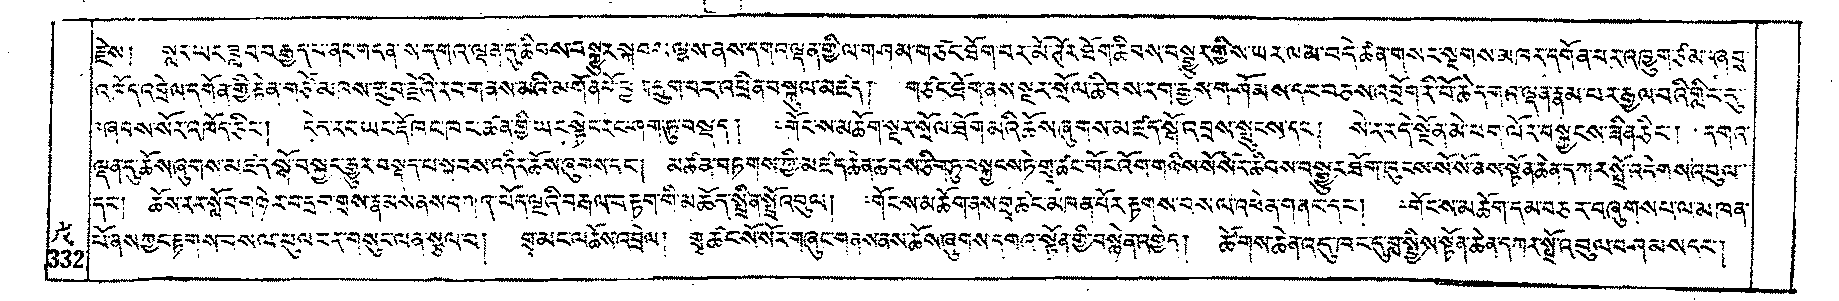་རྗེས། སླར་ཡང་ཟླ་བ་བརྒྱད་པ་ནང་གདན་ས་དགའ་ལྡན་དུ་ཆིབས་བསྒྱུར་སྐབས་ལྷ་ས་ནས་དགའ་ལྡན་གྱི་ལ་གཤམ་གཙང་ཐོག་པར་མོ་ཊོར་ཐོག་ཆིབས་བསྒྱུར་གྱིས་ཡར་ལམ་བདེ་ཚན་གསང་སྔགས་མཁར་དགོན་པར་འཁྱུག་ཙམ་ཞབས་
འཁོད་འབྲེལ་དགོན་གྱི་རྟེན་གཙོ་མཁས་གྲུབ་རྗེའི་རབ་གནས་མའི་མགོན་པོ་ཕྱག་དྲུག་པར་འཕྲིན་བསྐུར་མཛད། གཙང་ཐོག་ནས་སྔར་སྲོལ་ཆིབས་རག་རྒྱས་གཤོམས་དང་བཅས་འབྲོག་རི་བོ་ཆེ་དགའ་ལྡན་རྣམ་པར་རྒྱལ་བའི་གླིང་དུ་
༧ཞབས་སོར་འཁོད་ཅིང་། ངེད་རང་ཡང་རྡོ་ཁང་ཁང་ཚན་གྱི་ཡང་སྟེང་རང་ཤག་ཏུ་བསྡད། ༧གོང་ས་མཆོག་སྔར་སྲོལ་ཐོག་མའི་ཆོས་ཞུགས་མཛད་སྒོ་འབྲས་སྤུངས་དང་། སེ་རར་དེ་སྔོན་མེ་ཕག་ལོར་བསྐྱངས་ཟིན་ཅིང་། དགའ་
ལྡན་དུ་ཆོས་ཞུགས་མཛད་སྒོ་བསྐྱང་རྒྱུར་བསྡད་པ་སྐབས་འདིར་ཆོས་ཞུགས་དང་། མཚན་བཏགས་ཀྱི་མཛད་ཆེན་ཆབས་ཆ་
ཞུགས་དགའ་སྟོན་གྱི་བསྙེན་འགྱེད།
ཚོགས་ཆེན་འདུ་ཁང་དུ་བླ་སཔ྾ཨིས་སྟོན་ཆེན་དཀར་སཔར་འབུལ་བཤམས་དང་།